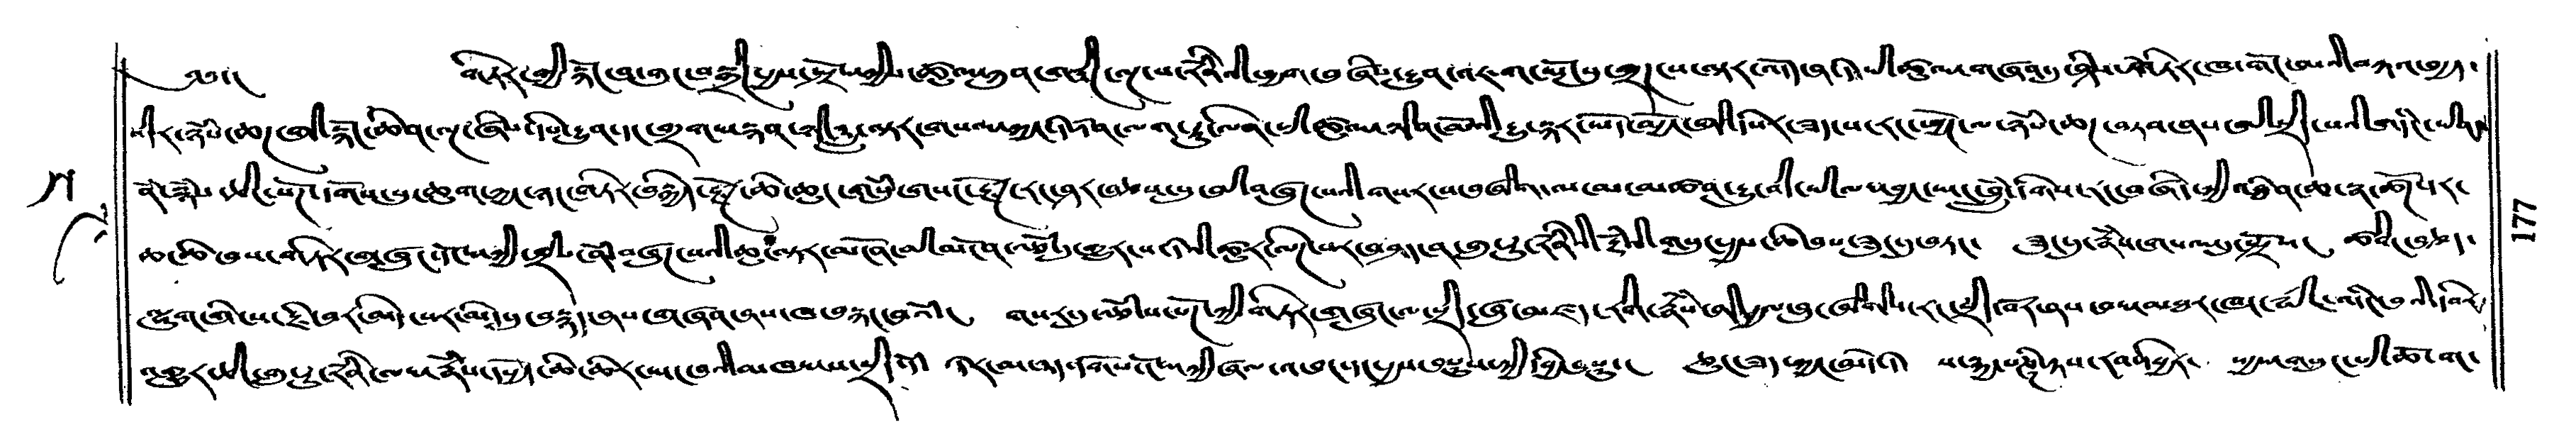གཏེར་གྱི་སྐོང་བ་གུང་བསྒྲིགས་རྒྱས་སྤྲོས་ཀྱི་ཚུལ་ཀུན་གཟིགས་ལྔ་པ་རིན་པོ་ཆེའི་ཕྱག་བཞེས་རྒྱུན་འཇགས་ཡོངས་སུ་གྲགས་པ་ལྟར་འདོད་ན་དེ་ཡི་ཚུལ་གཞན་དུ་ཤེས། གཏེར་ཁ་གོང་མའི་བཀའ་བརྒྱད་
འདིར་ཉམས་ཆག་གི་སྐོང་ཆེན་ལྔ་ཞེས་དཔེ་རྒྱུན་དང་གྲགས་སྙན་ཉི་ཟླ་ལྟར་གསལ་ཀྱང་དེ་དོན་ལག་ཏུ་ལེན་པའི་ཚུལ་ཉིན་མོའི་རྒྱུ་སྐར་གྱྀ་དཔེར་ཟད་པ་རང་ཕྱོགས་ལ་ཉམས་ཆག་གཏན་ནས་མི་སྲིད་པའི་གདེང་ཡིན་
ནམ་སྙམས་ཞིང་། ཉང་གཏེར་བསྐྱེད་རྫོགས་ཆེ་ཆུང་གསུམ་གསང་རྫོགས་རང་ཤར་བཅས་སུ་མི་བཞུགས་པའི་གསར་པ་ཞིག་ལ་ཡ་མཚན་རྒྱུ་འདི་ཡང་བླ་མ་དག་གིས་རང་བཞེད་ཀྱི་འཐེན་ཆ་སྣ་ཚོགས་དར་
ཆ་ཆེ་བས་གཏེར་གཞུང་དངོས་ཀྱི་ཕྲིན་ལས་ཆུ་ཟླ་ལྟར་མངོན་མི་མངོན་ཙམ་དུ་གྱུར། དེའི་ཚུལ་ལེགས་པར་བཤད་ན་གུ་རུ་རིན་པོ་ཆེའི་རྡོ་རྗེའི་གསུང་རྒྱ་ཆེ་བས་འདིར་བྲི་བར་མི་ལང་སྟབས། ཟུར་དུ་རྒྱས་པར་སྤྲོས་པ་དག་ཏུ་གསལ། ཚིག་བཅད་
ལྷུག་གོ་ས་རྗེ་བ་ལ་འགངས་མེད་པར་བསྙད་ནས་གཞན་ནས་ཁ་བསྐངས་བའམ། གསར་དུ་བརྩམས་པ་སོགས་ཀྱིས་གཏེར་གཞུང་ལ་སྲི་ཞུ་མཛད་རིགས་རྣམས་ནི་རྒྱལ་བུ་ཞིག་གིས་རང་སྲིད་བོར་ནས་སྦས་མཐར་ཁང་རྨང་འདིང་བའི་དཔེར་
འགྱུར་ཅིང་གུ་རུ་རིན་པོ་ཆེ་ལས་རྣམ་དཔྱོད་ཆེས་ཆེར་ཡངས་བའི་མཁས་པ་སྲིད་དམ།དེར་མ་ཟད་དགོས་ངེས་ཀྱི་ཞལ་འཕང་དང་རྒྱས་བསྡུས་ཀྱི་དབྱེ་བསྡུ་ཅུང་ཟད་ཀྱང་མེད་དེ། ས་སྐྱ་པཎྜི་ཏས་རབ་དབྱེར། །སངས་རྒྱས་གསུངས་པའི་ཆོ་ག་